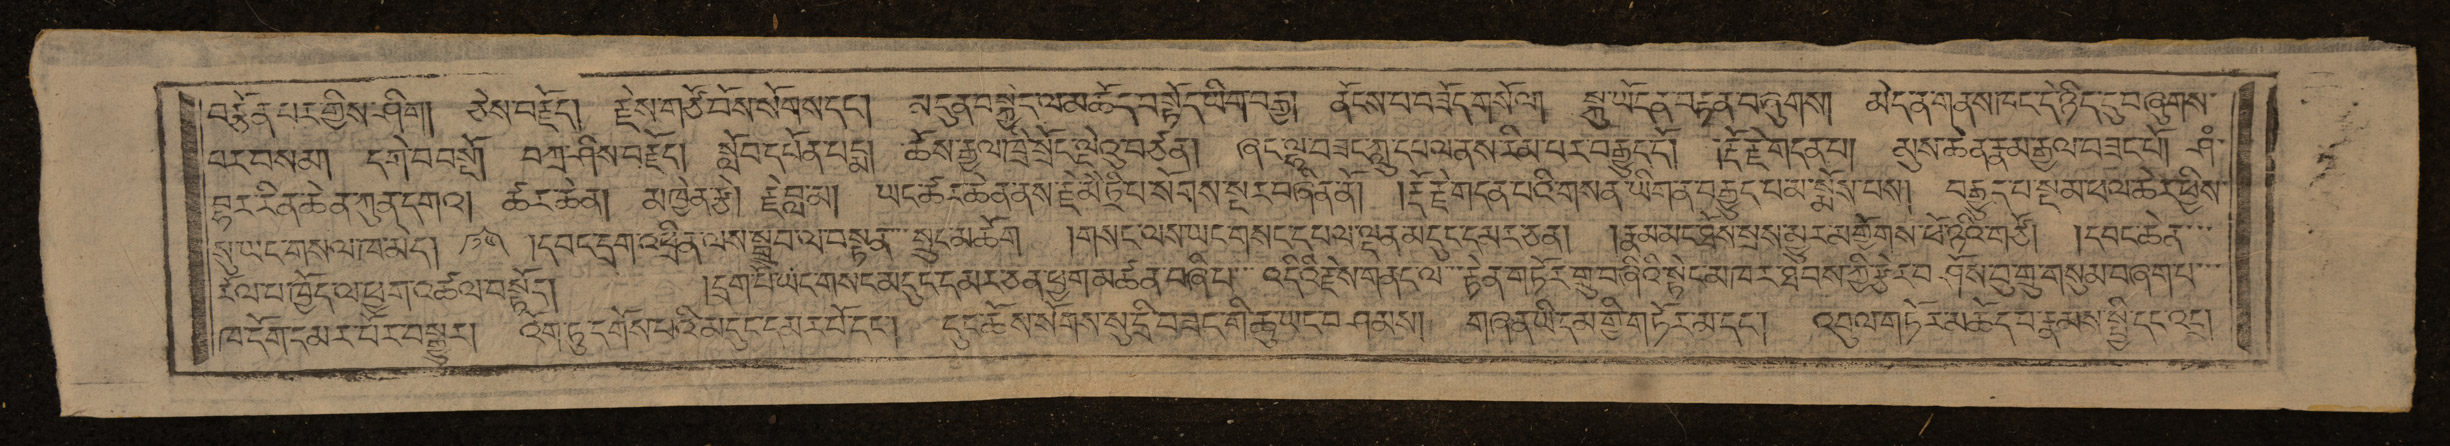བརྩོན་པར་གྱིས་ཤིག། ཅེས་བརྗོད། རྗེས་གཙོ་བོས་སོགས་དང་། མདུན་བསྐྱེད་ལ་མཆོད་བསྟོད་ཡིག་བརྒྱ། ནོངས་བ་བཟོད་གསོལ། སྐུ་ཡོད་ན་བརྟན་བཞུགས། མེད་ན་གནས་ཁང་དེ་ཉིད་དུ་བཞུགས་
བར་བསམ། དགེ་བ་བསྔོ། བཀྲ་ཤིས་བརྗོད། སློབ་དཔོན་པདམ། ཆོས་རྒྱལ་ཁྲི་སྲོང་ལྡེའུ་བཙན། ཞང་ལྷ་བཟང་ཀླུ་དཔལ་ནས་རིམ་པར་བརྒྱུད་དོ། །རྡོ་རྗེ་གདན་པ། མུས་ཆེན་རྣམ་རྒྱལ་བཟང་པོ། ཤཾ་
བྷར་རིན་ཆེན་ཀུན་དགའ། ཚར་ཆེན། མཁྱེན་རྩེ། རྗེ་བླ་མ། ཡང་ཚར་ཆེན་ནས་རྗེ་མཻ་ཏྲི་པ་སོགས་སྔར་བཞིན་ནོ། །རྡོ་རྗེ་གདན་པའི་གསན་ཡིག་ན་བརྒྱུད་པ་མ་སྨོས་པས། བརྒྱུད་པ་སྡམ་ཕལ་ཆེར་ཕྱིས་
སུ་ཡང་གསལ་ཁ་མེད། ༡༤?་།དབང་དྲག་འཕྲིན་ལས་སྒྲུབ་ལ་བསྟན་སྲུང་མཆོག །གསང་ལས་ཡང་གསང་དཔལ་ལྡན་མདུང་དམར་ཅན། །རྣམ་མང་ཐོས་སྲས་མྱུར་མགྱོགས་ཕོ་ཉའི་གཙོ། །དབང་ཆེན་
རོལ་པ་ཁྱོད་ལ་ཕྱག་འཚལ་བསྟོད། །དྲག་པོ་ཡང་གསང་མདུང་དམར་ཅན་ཕྱག་མཚན་བཞི་པ་འདིའི་རྗེས་གནང་ལ་རྟེན་གཏོར་གྲུ་བཞིའི་སྟེང་མཁར་ཐབས་ཀྱི་རྩེར་བཤོས་བུ་གྲུ་གསུམ་བཞག་པ་
ཁ་དོག་དམར་པོར་བསྒྱུར། འོག་ཏུ་དགོས་པའི་མདུང་དམར་པོ་དང་། དུང་ཆོས་སོགས་སུ་དྲི་བཟང་གི་ཆུ་ཡང་བཤམས། གཞན་ཡི་དམ་གྱི་གཏོར་མ་དང་། འབུལ་གཏོར་མཆོད་པ་རྣམས་སྤྱི་དང་འདྲ།